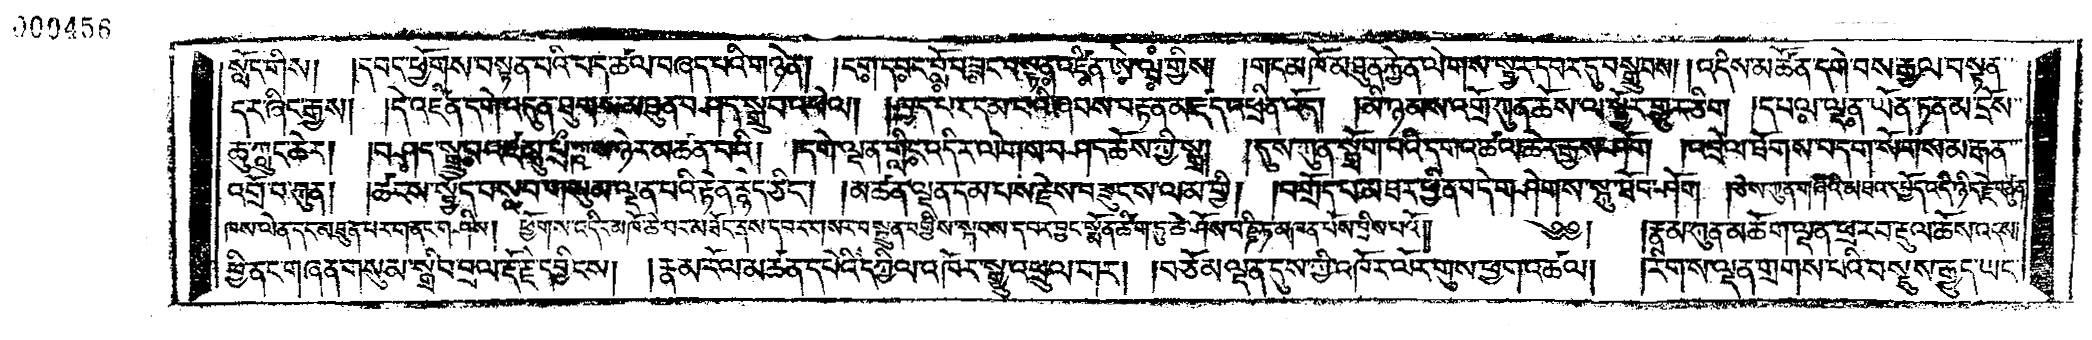སློང་གིས། །དབང་ཕྱོགས་བསྟན་པའི་པད་ཚལ་བཞད་པའི་གཉེན། །ངག྾་དབང྾་བློ྾་བཟང྾་བསྟན྾་འཛིན྾་ཨེ྾་ཝཾ྾་གྱིས། །གང་མཁོ་མཐུན་རྐྱེན་ལེགས་སྦྱར་དཔར་དུ་བསྒྲུབས། །འདིས་མཚོན་དགེ་བས་རྒྱལ་བསྟན་
དར་ཞིང་རྒྱས། །དེ་འཛིན་དགེ་འདུན་ཐུགས་མཐུན་བཤད་སྒྲུབ་འཕེལ། །ཁྱད་པར་དམ་པའི་ཞབས་བརྟན་མཛད་འཕྲིན་འོད། །མི་ཉམས་འགྲོ་ཀུན་ཆོས་ལ་སྦྱོར་གྱུར་ཅིག །དཔལ྾་ལྡན྾་ཡོན་ཏན་མ་དྲོས་
ཆུ་ཀླུང་ཆེར། །བཤད྾་སྒྲུབ྾་འཛམྦུ་པྲྀཀྵས་ཉེར་མཚན་པའི། །དགེ་ལྡན་གླིང྾་འདིར་ལེགས་བཤད་ཆོས་ཀྱི་སྒྲ། །དུས་ཀུན་སྒྲོག་པའི་དགའ་ཚལ་ཆེར་རྒྱས་ཤོག །འབྲེལ་ཐོགས་བདག་སོགས་མ་རྒན་
འགྲོ་བ་ཀུན། །ཚངས་སྤྱོད་བསླབ་གསུམ་ལྡན་པའི་རྟེན་རྙེད་ཅིང་། །མཚན་ལྡན་དམ་པས་རྗེས་བཟུང་ས་ལམ་གྱི། །བགྲོད་པ་མཐར་ཕྱིན་བདེ་གཤེགས་སྐུ་ཐོབ་ཤོག །ཅེས་ཀུན་གཞིའི་མཐའ་དཔྱོད་འདི་ཉིད་རྗེ་བཙུན་
ཁས་ལེན་དང་མཐུན་པར་གནང་གཤིས། ཕྱོགས་འདིར་མཁོ་ཆེ་བར་མཐོང་ནས་དཔར་གསར་བསྐྲུན་བགྱིས་སྐབས་དཔར་བྱང་སྨོན་ཚིག་ཏུ་ཆེ་ཤོས་པཎྜི་ཏ་མཁན་པོས་བྲིས་པའོ། ། ༄༅། །རྣམ་ཀུན་མཆོག་ལྡན་ཕྲ་རབ་རྡུལ་ཆོས་འདས། །
ཕྱི་ནང་གཞན་གསུམ་སྒྲིབ་བྲལ་རྡོ་རྗེ་དབྱིངས། །རྣམ་རོལ་མཚན་དཔེའི་དཀྱིལ་འཁོར་སྒྱུ་འཕྲུལ་གར། །བཅོམ་ལྡན་དུས་ཀྱི་འཁོར་ལོར་གུས་ཕྱག་འཚལ། །རིགས་ལྡན་གྲགས་པའི་བསྡུས་རྒྱུད་ཡང་